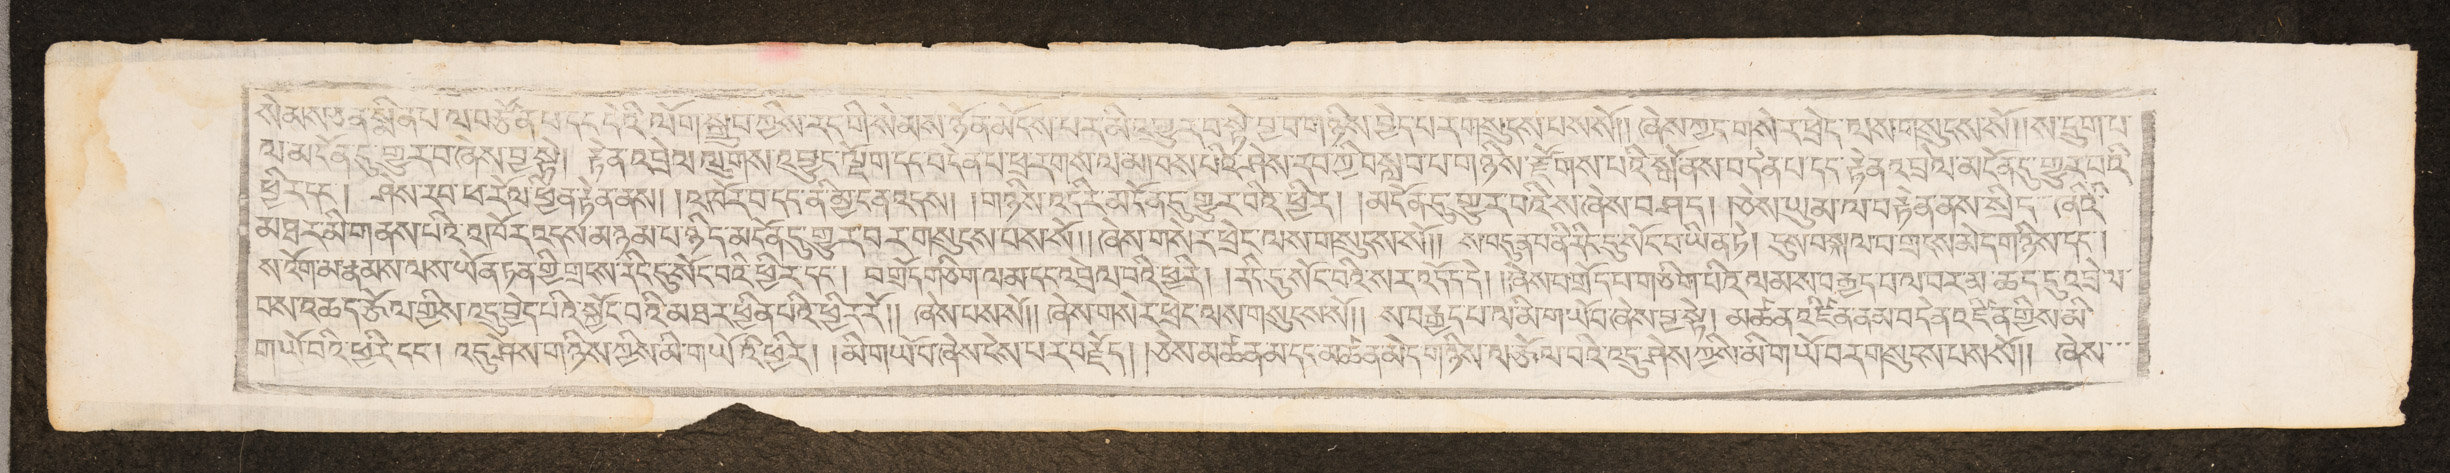སེམས་ཅན་སྨིན་པ་ལ་བརྩོན་པ་དང་དེའི་ལོག་སྒྲུབ་ཀྱིས་རང་གི་སེམས་ཉོན་མོངས་པར་མི་འགྱུར་བ་སྟེ་བྱ་བ་གཉིས་བྱེད་པར་གསུངས་པས་སོ། །ཞེས་ཀྱང་གསེར་ཕྲེང་ལས་གསུངས་སོ། །ས་དྲུག་པ་
ལ་མངོན་དུ་གྱུར་བ་ཞེས་བྱ་སྟེ། རྟེན་འབྲེལ་ལུགས་འབྱུང་ལྡོག་དང་བདེན་པ་ཕྲ་རགས་ལ་མཁས་པའི་ཤེས་རབ་ཀྱི་བསླབ་པ་གཉིས་རྫོགས་པའི་སྒོ་ནས་བདེན་པ་དང་རྟེན་འབྲེལ་མངོན་དུ་གྱུར་བའི་
ཕྱིར་དང་། ཤེས་རབ་ཕ་རོལ་ཕྱིན་རྟེན་ནས། །འཁོར་བ་དང་ནི་མྱ་ངན་འདས། །གཉིས་འདིར་མངོན་དུ་གྱུར་བའི་ཕྱིར། །མངོན་དུ་གྱུར་བའི་ས་ཞེས་བཤད། །ཅེས་ཡུམ་ལ་བརྟེན་ནས་སྲིད་ཞིའི་
མཐར་མི་གནས་པའི་འཁོར་འདས་མཉམ་པ་ཉིད་མངོན་དུ་གྱུར་བར་གསུངས་པས་སོ། །ཞེས་གསེར་ཕྲེང་ལས་གསུངས་སོ།། ས་བདུན་པ་ནི་རིང་དུ་སོང་བ་ཡིན་ཏེ། དུས་བསྐལ་པ་གྲངས་མེད་གཉིས་དང་།
ས་འོག་མ་རྣམས་ལས་ཡོན་ཏན་གྱི་གྲངས་རིང་དུ་སོང་བའི་ཕྱིར་དང་། བགྲོད་གཅིག་ལམ་དང་འབྲེལ་བའི་ཕྱིར། །རིང་དུ་སོང་བའི་སར་འདོད་དེ། །ཞེས་བགྲོད་པ་གཅིག་པའི་ལམ་ས་བརྒྱད་པ་ལ་བར་མ་ཆད་དུ་འབྲེལ་
བས་འཆད་རྩོལ་གྱིས་འདུ་བྱེད་པའི་སྐྱོང་བའི་མཐར་ཕྱིན་པའི་ཕྱིར་རོ།། ཞེས་པས་སོ། །ཞེས་གསེར་ཕྲེང་ལས་གསུངས་སོ།། ས་བརྒྱད་པ་ལ་མི་གཡོ་བ་ཞེས་བྱ་སྟེ། མཚན་འཛིན་ནམ་བདེན་འཛིན་གྱིས་མི་
གཡོ་བའི་ཕྱིར་དང་། འདུ་ཤེས་གཉིས་ཀྱིས་མི་གཡོའི་ཕྱིར། །མི་གཡོ་བ་ཞེས་ངེས་པར་བརྗོད། །ཅེས་མཚན་མ་དང་མཚན་མེད་གཉིས་ལ་རྩོལ་བའི་འདུ་ཤེས་ཀྱིས་མི་གཡོ་བར་གསུངས་པས་སོ།། ཞེས་